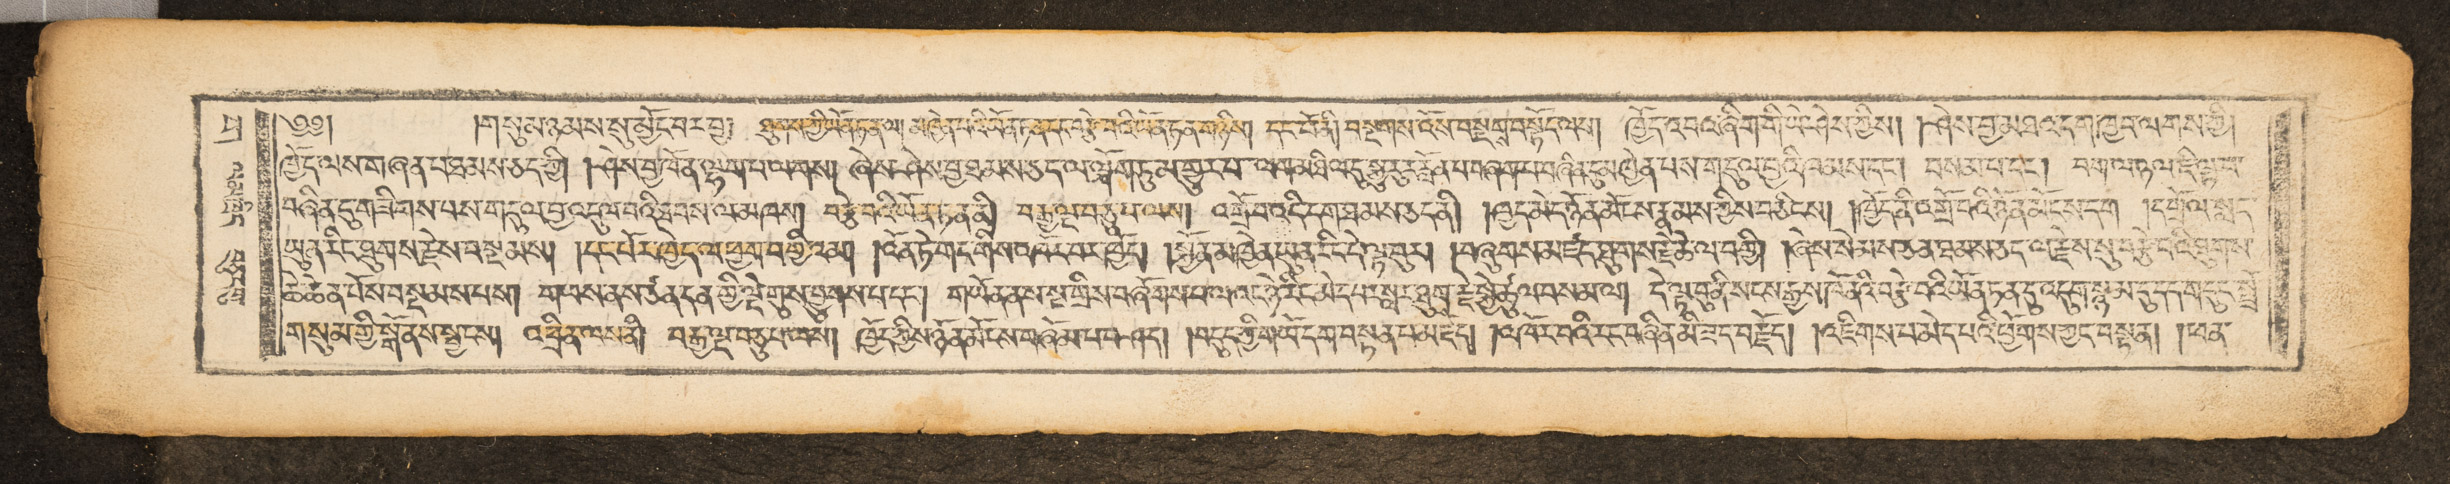༄༅། །གསུམ་ཉམས་སུ་མྱོང་བར་བྱ། ཐུགས་ཀྱི་ཡོན་ཏན་ལ། མཁྱེན་པའི་ཡོན་ཏན་དང་བརྩེ་བའི་ཡོན་ཏན་གཉིས། དང་པོ་ནི། བསྔགས་འོས་བསྔགས་བསྟོད་ལས། ཁྱོད་འབའ་ཞིག་གི་ཡེ་ཤེས་ཀྱིས། །ཤེས་བྱ་མཐའ་དག་ཁྱབ་ལགས་ཀྱི།
ཁྱོད་ལས་གཞན་པ་ཐམས་ཅད་ཀྱི། །ཤེས་བྱ་ཁོ་ན་ལྷག་པ་ལགས། ཞེས་ཤེས་བྱ་ཐམས་ཅད་ལ་ལྐོག་ཏུ་མ་གྱུར་པ་ལག་མཐིལ་དུ་སྐྱུ་རུར་རློན་པ་བཞག་པ་བཞིན་དུ་མཁྱེན་པས་གདུལ་བྱའི་ཁམས་དང་། བསམ་པ་དང་། བག་ལ་ཉལ་ཇི་ལྟ་བ་
བཞིན་དུ་གཟིགས་པས་གདུལ་བྱ་འདུལ་བའི་ཐབས་ལ་མཁས། བརྩེ་བའི་ཡོན་ཏན་ནི། བརྒྱ་ལྔ་བཅུ་པ་ལས། འགྲོ་བ་འདི་དག་ཐམས་ཅད་ནི། །ཁྱད་མེད་ཉོན་མོངས་རྣམས་ཀྱིས་བཅིངས། །ཁྱོད་ནི་འགྲོ་བའི་ཉོན་མོངས་དག །དགྲོལ་སླད་
ཡུན་རིང་ཐུགས་རྗེས་བསྡམས། །དང་པོར་ཁྱེད་ལ་ཕྱག་བགྱིའམ། །འོན་ཏེ་གང་གིས་འཁོར་བར་ཁྱོད། །སྐྱོན་མཁྱེན་ཡུན་རིང་དེ་ལྟ་བུར། །བཞུགས་མཛད་ཐུགས་རྗེ་ཆེ་ལ་བགྱི། །ཞེས་སེམས་ཅན་ཐམས་ཅད་ལ་རྗེས་སུ་བརྩེ་བའི་ཐུགས་
ཆེ་ཆེན་པོས་བསྡམས་པས། གཡས་ནས་ཙན་དན་གྱི་ལྡེ་གུས་བྱུགས་པ་དང་། གཡོན་ནས་སྔ་གྲིས་བཞོགས་པ་ལའང་ཉེ་རིང་མེད་པར་སླར་ཐུགས་རྗེ་སྐྱེ་ཚུལ་བསམ་ལ། དེ་ལྟ་བུ་ནི་སངས་རྒྱས་ཁོ་ནའི་བརྩེ་བའི་ཡོན་ཏན་དུ་འདུག་སྙམ་དུ་དད་གདུང་སྤྲོ་
གསུམ་གྱི་སྒོ་ནས་སྦྱངས། འཕྲིན་ལས་ནི། བརྒྱ་ལྔ་བཅུ་པ་ལས། ཁྱོད་ཀྱིས་ཉོན་མོངས་གཞོམ་པ་བཤད། །བདུད་ཀྱི་གཡོ་དག་བསྟན་པ་མཛད། །འཁོར་བའི་རང་བཞིན་མི་ཟད་བརྗོད། །འཇིགས་པ་མེད་པའི་ཕྱོགས་ཀྱང་བསྟན། །ཕན་